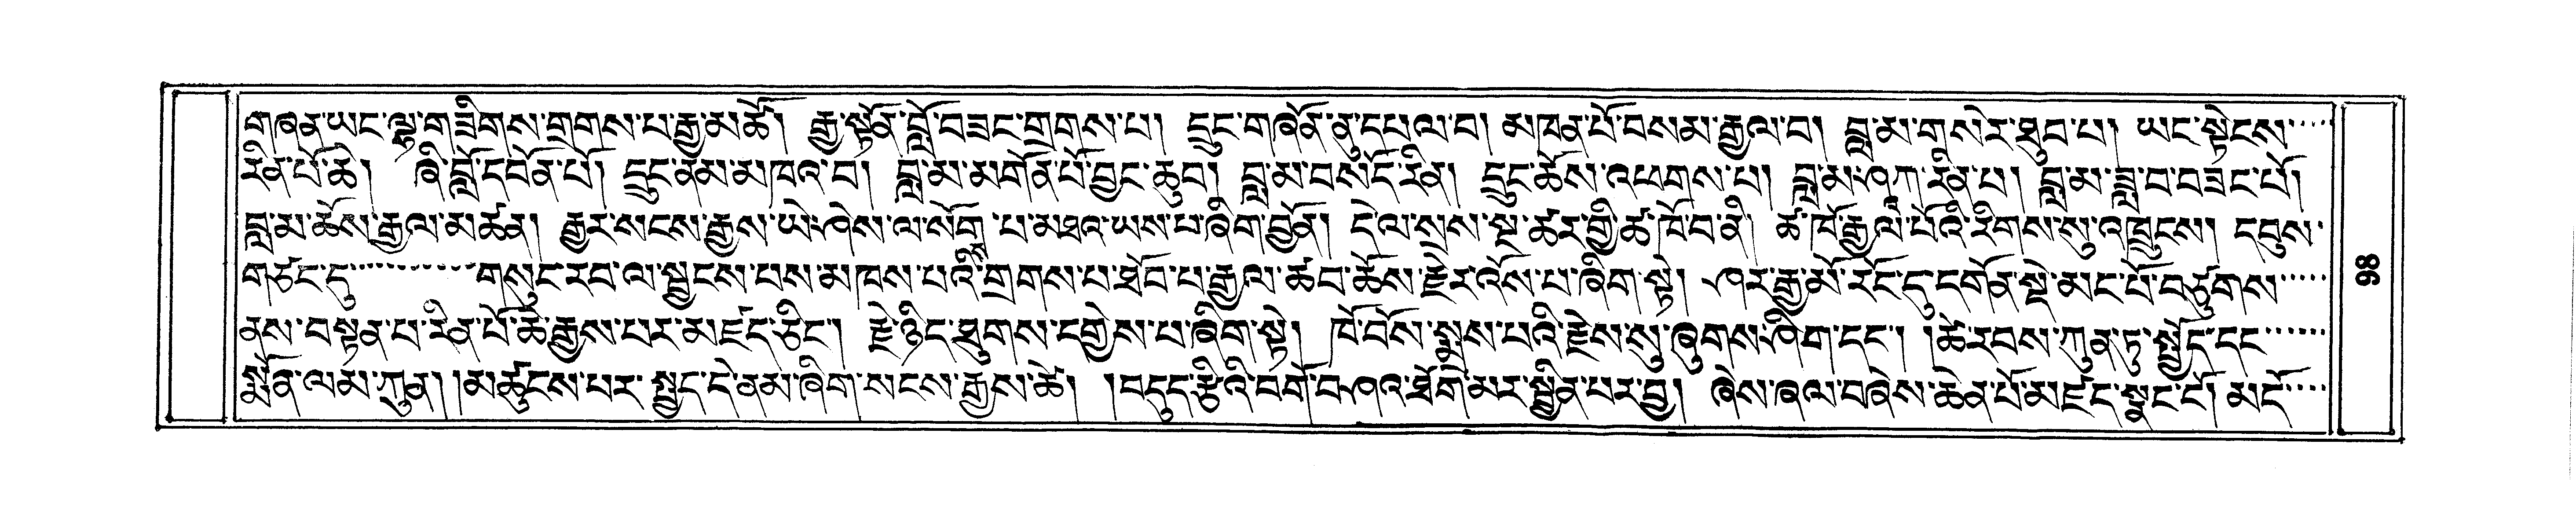གཞན་ཡང་ལྷ་གཟིགས་གྲགས་པ་རྒྱ་མཚོ། རྒྱ་སྟོན་བློ་བཟང་གྲགས་པ། དྲུང་གཞོན་ནུ་དཔལ་བ། མཁན་པོ་བསམ་རྒྱལ་བ། བླ་མ་གསེར་ཐུབ་པ། ཡང་སྟེངས་
རིན་པོ་ཆེ། ཞི་བློ་དབོན་པོ། དྲུང་ནམ་མཁའ་བ། བླ་མ་མགོན་པོ་བྱང་ཆུབ། བླ་མ་བསོད་རིན། དྲུང་ཆོས་འཕགས་པ། བླ་མ་ཤཱཀ་རིན་པ། བླ་མ་ཟླ་བ་བཟང་པོ།
བླ་མ་ཆོས་རྒྱལ་མཚན། རྒྱར་སངས་རྒྱས་ཡེ་ཤེས་ལ་སོགས་པ་མཐའ་ཡས་པ་ཞིག་བྱོན། དེ་ལ་སྲས་སྔ་ཚར་གྱི་ཚ་ཁོ་བ་ནི། ཚ་ཁོ་རྒྱལ་པོའི་རིགས་སུ་འཁྲུངས། དབུས་
གཙང་དུ་གསུང་རབ་ལ་སྦྱངས་པས་མཁས་པའི་གྲགས་པ་ཐོབ་པ་རྒྱལ་ཚབ་ཆོས་རྗེར་འོས་པ་ཞིག་སྟེ། ཤར་རྒྱ་མོ་རོང་དུ་དགོན་སྡེ་མང་པོ་བཙུགས་
ནས་བསྟན་པ་རིན་པོ་ཆེ་རྒྱས་པར་མཛད་ཅིང་། རྗེ་ཉིད་ཐུགས་དགྱེས་པ་ཞིག་སྟེ། ཁོ་བོས་སྨྲས་པའི་རྗེས་སུ་ཞུགས་ཤིག་དང་། །ཚེ་རབས་ཀུན་ཏུ་སྤྱོད་དང་
སྨོན་ལམ་ཀུན། །མཚུངས་པར་སྤྱད་དེ་ནམ་ཞིག་སངས་རྒྱས་ཚེ། །བདུད་རྩིའི་བགོ་བཤའ་ཐོག་མར་སྦྱིན་པར་བྱ། ཞེས་ཞལ་བཞེས་ཆེན་པོ་མཛད་སྣང་ངོ། མདོ་